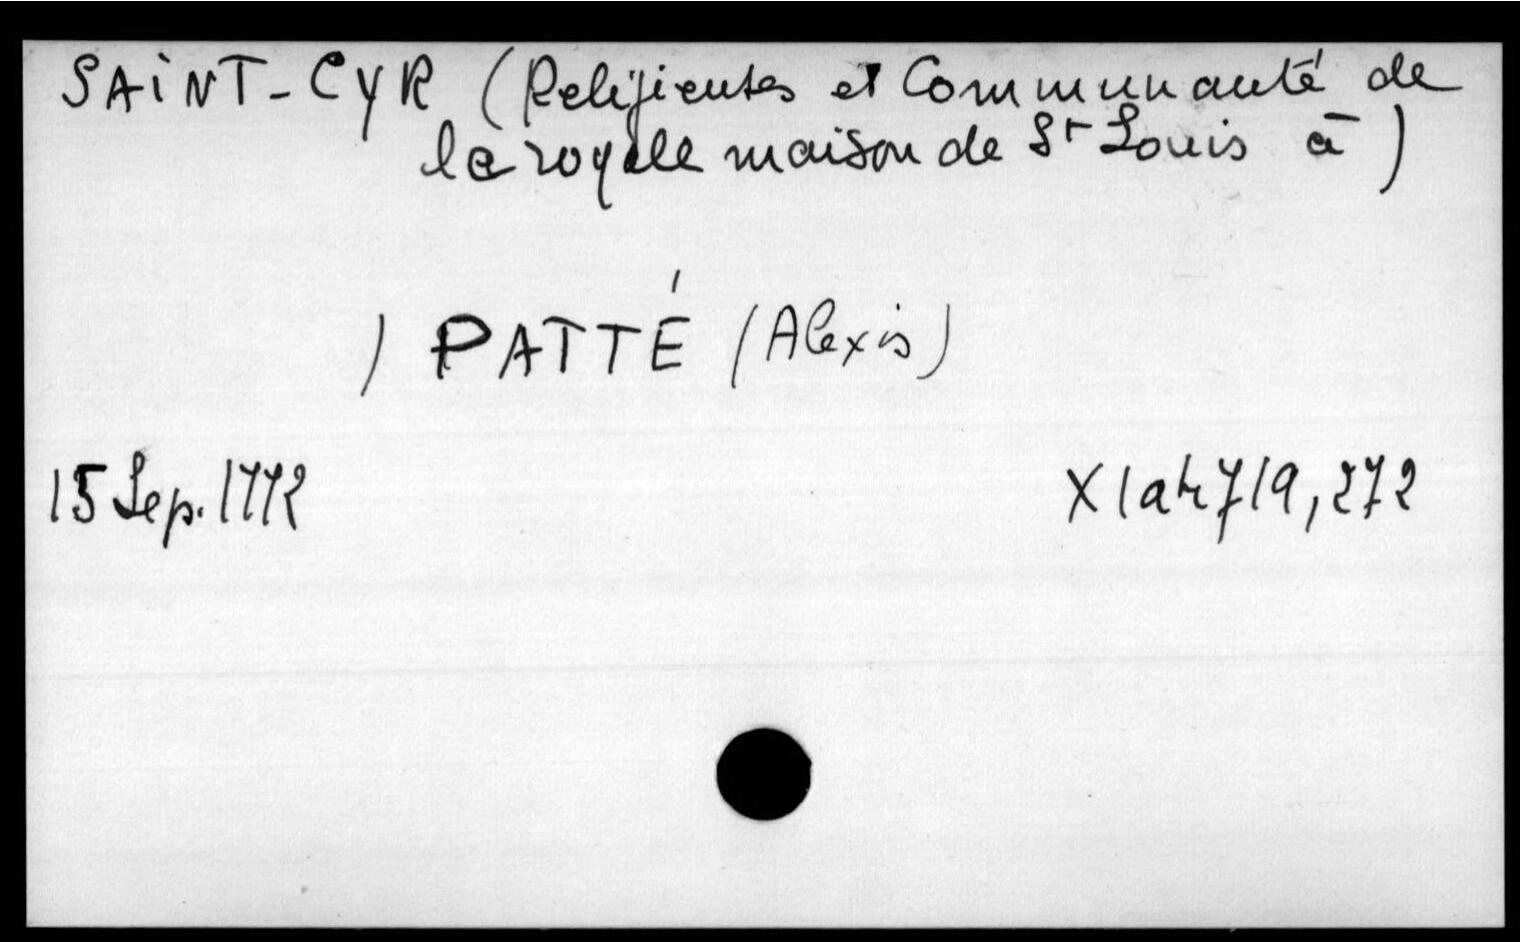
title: SAINT-CYR (Religieuses et communauté de la royale maison de Saint-Louis à')
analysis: Contre PATTÉ (Alexis)
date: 15 septembre 1772
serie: X1a
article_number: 4719
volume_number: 272
